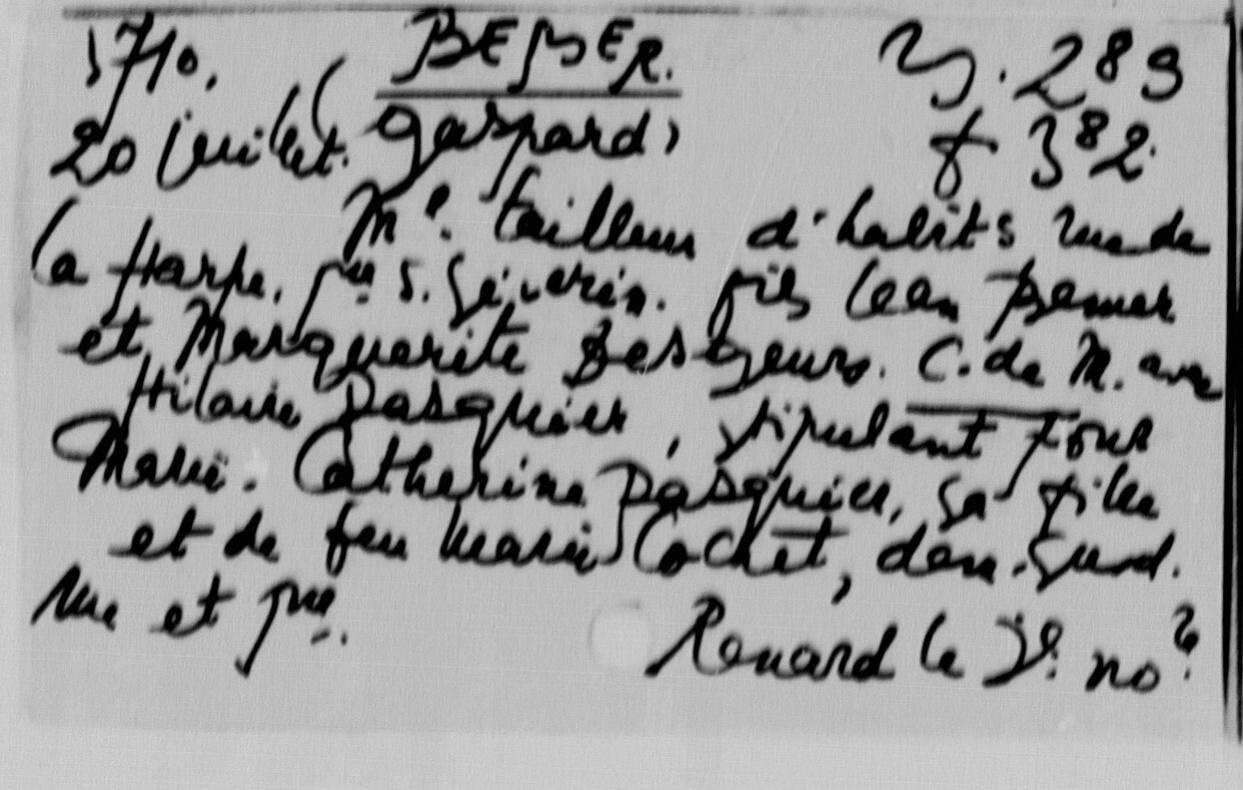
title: BEMER (Gaspard)
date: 1710
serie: Y
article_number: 289
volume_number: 382
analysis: Maître tailleur d'habits rue de la Harpe, paroisse Saint-Séverin. Fils Jean Bemer et Marguerite Desgeurs. Contrat de mariage avec Hilaire Pasquier, stipulant pour Marie-Catherine Pasquier, sa fille et de feu Marie Cochet, demeurant susdites rue et paroisse. Renard le jeune, notaire.
